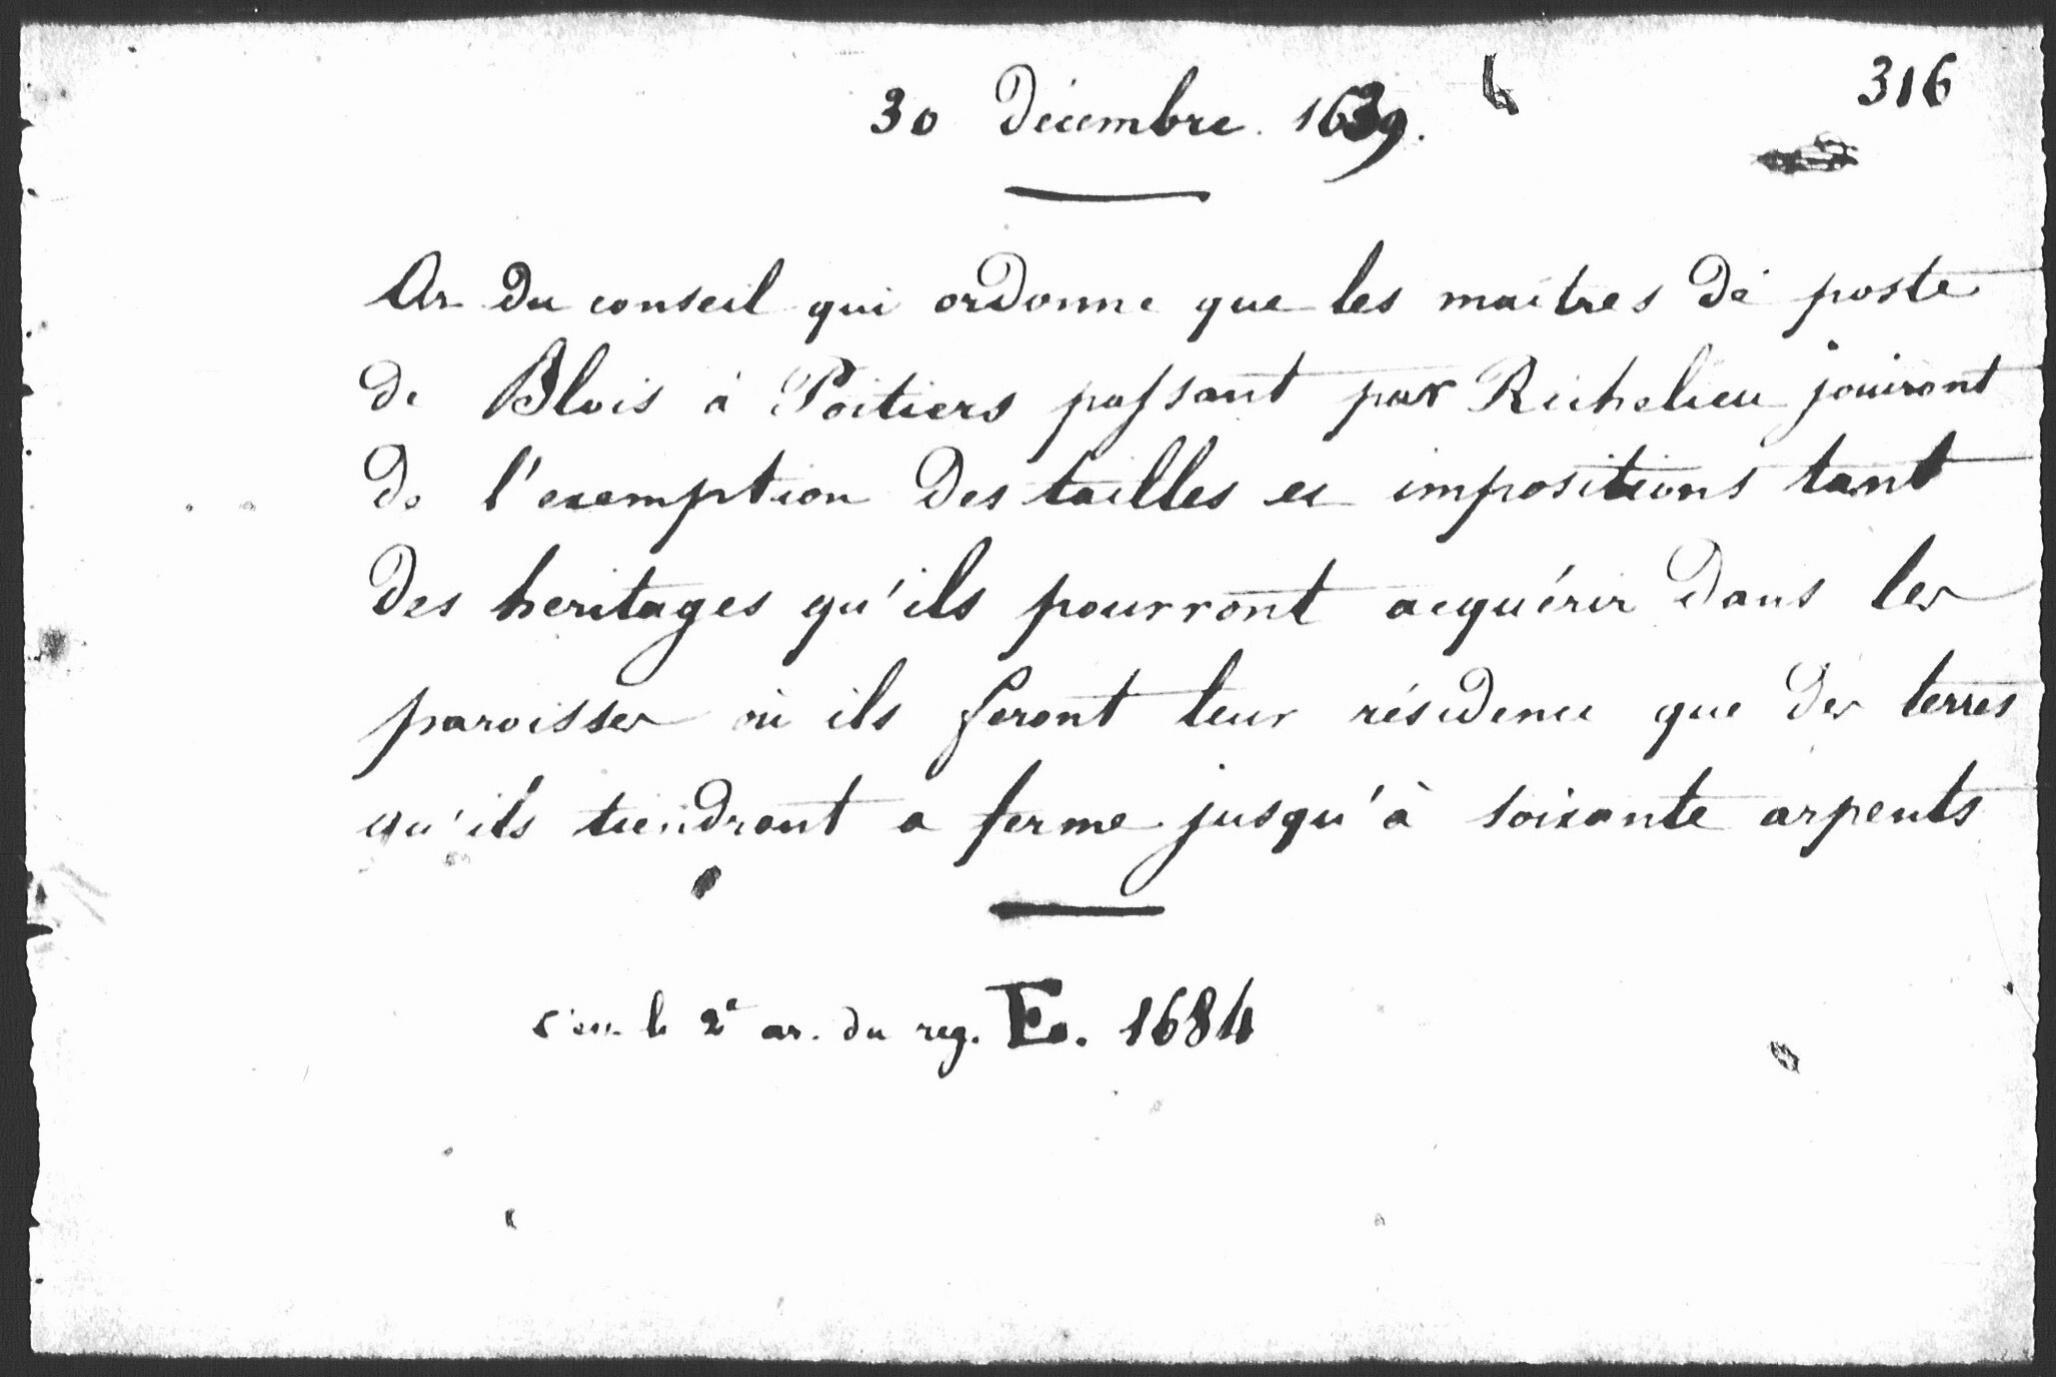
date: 30 décembre 1639
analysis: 316 C'est le 2e ar. du reg. E 1684
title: Ar. du conseil qui ordonne que les maitres de poste de Blois à Poitiers passant par Richelieu jouiront de l'exemption des tailles et impositions tant des heritages qu'ils pourront acquérir dans les paroisses où ils feront leur résidence que des terres qu'ils tiendront à ferme jusqu'à soixante arpents
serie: E
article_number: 1684
